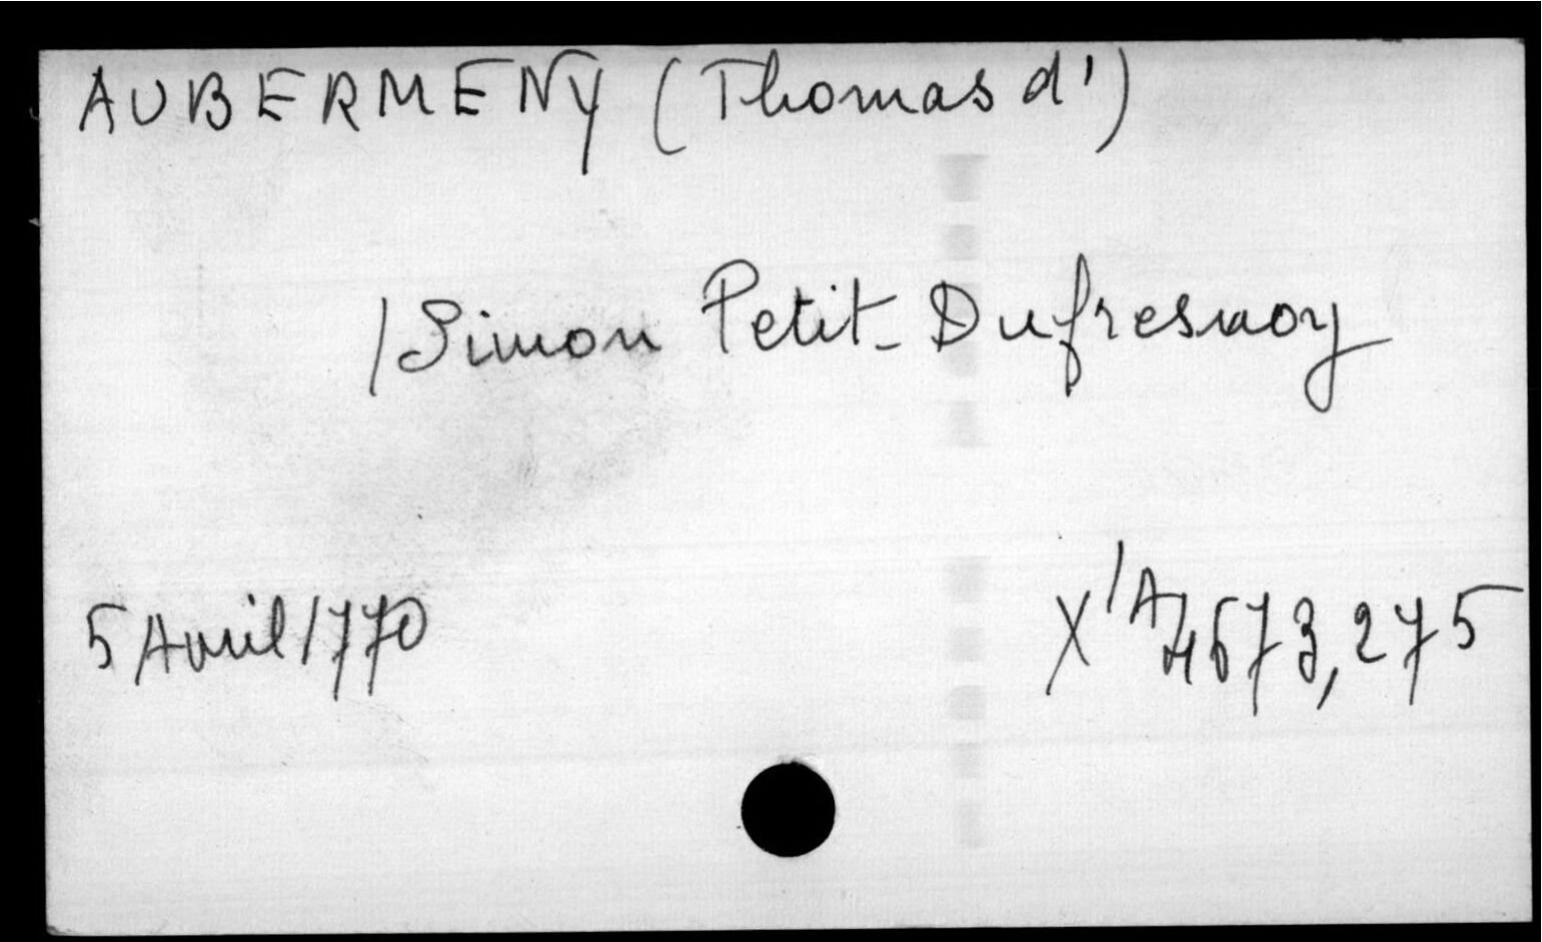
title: AUBERMENY (Thomas d')
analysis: Contre Simon Petit-Dufresnoy
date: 5 avril 1770
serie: X1A
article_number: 4673
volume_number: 275
